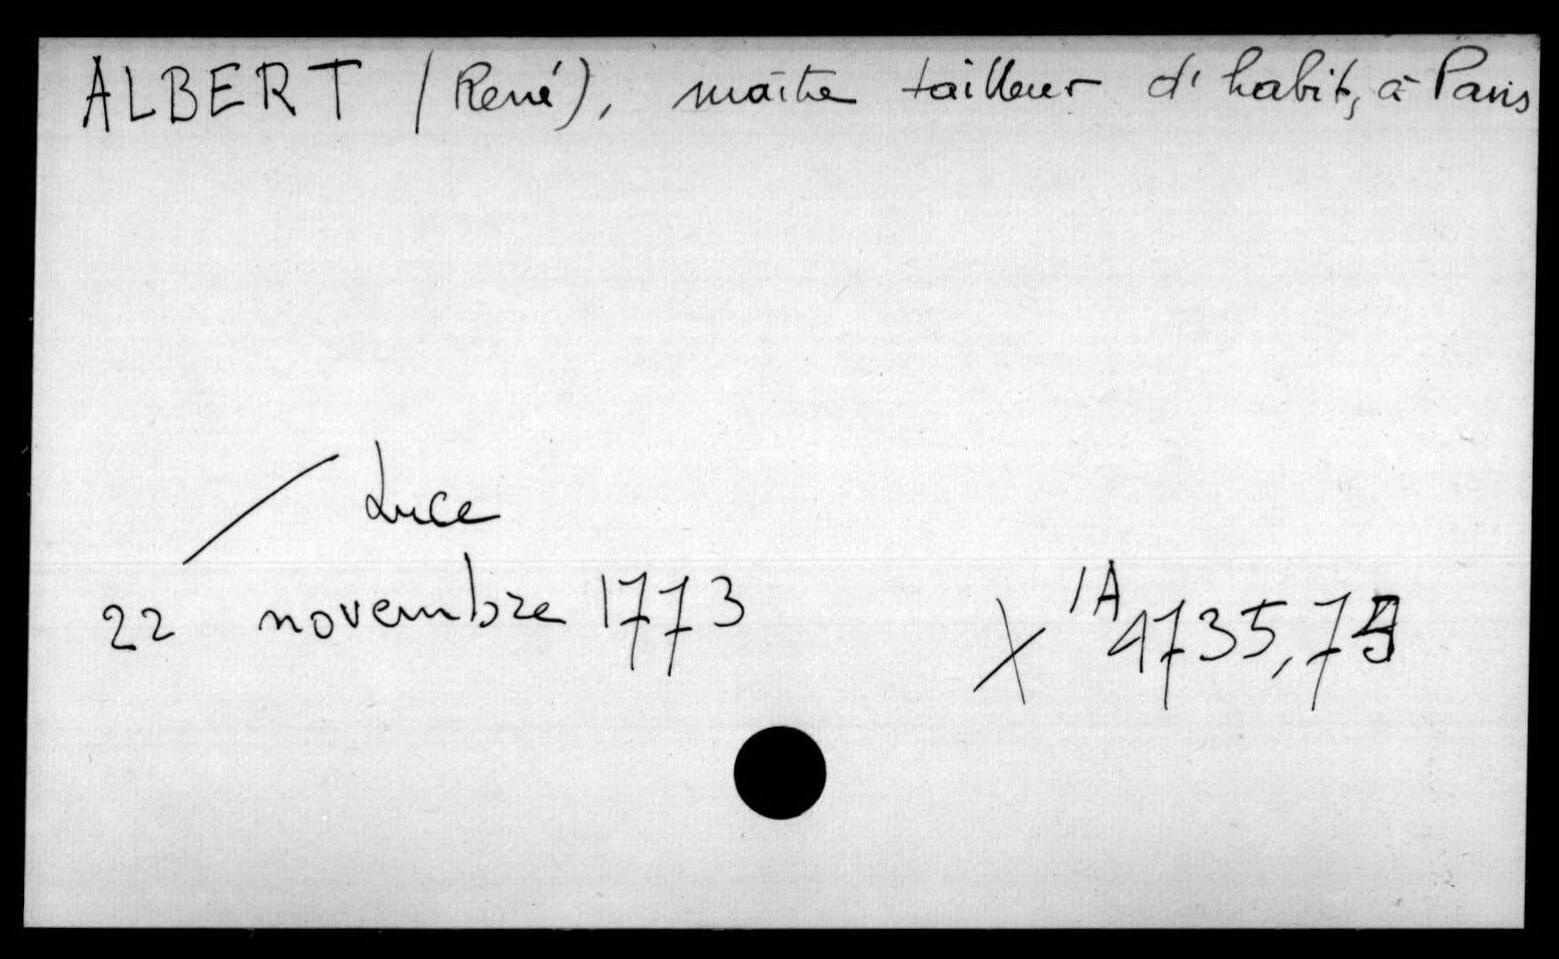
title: ALBERT (René), maître tailleur d'habit, à Paris
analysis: Contre Luce
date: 22 novembre 1773
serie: X1A
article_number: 4735
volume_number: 75
